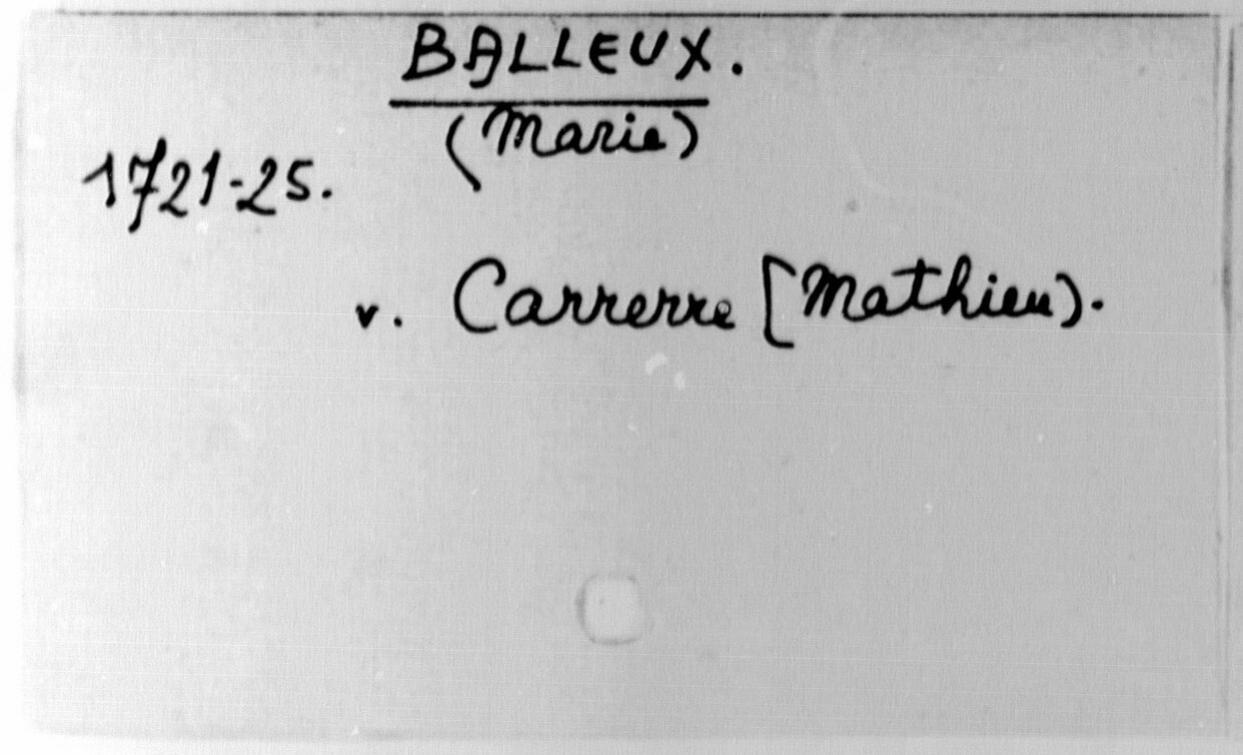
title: BALLEUX (Marie)
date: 1721-1725
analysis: Voir CARRERRE (Mathieu)
